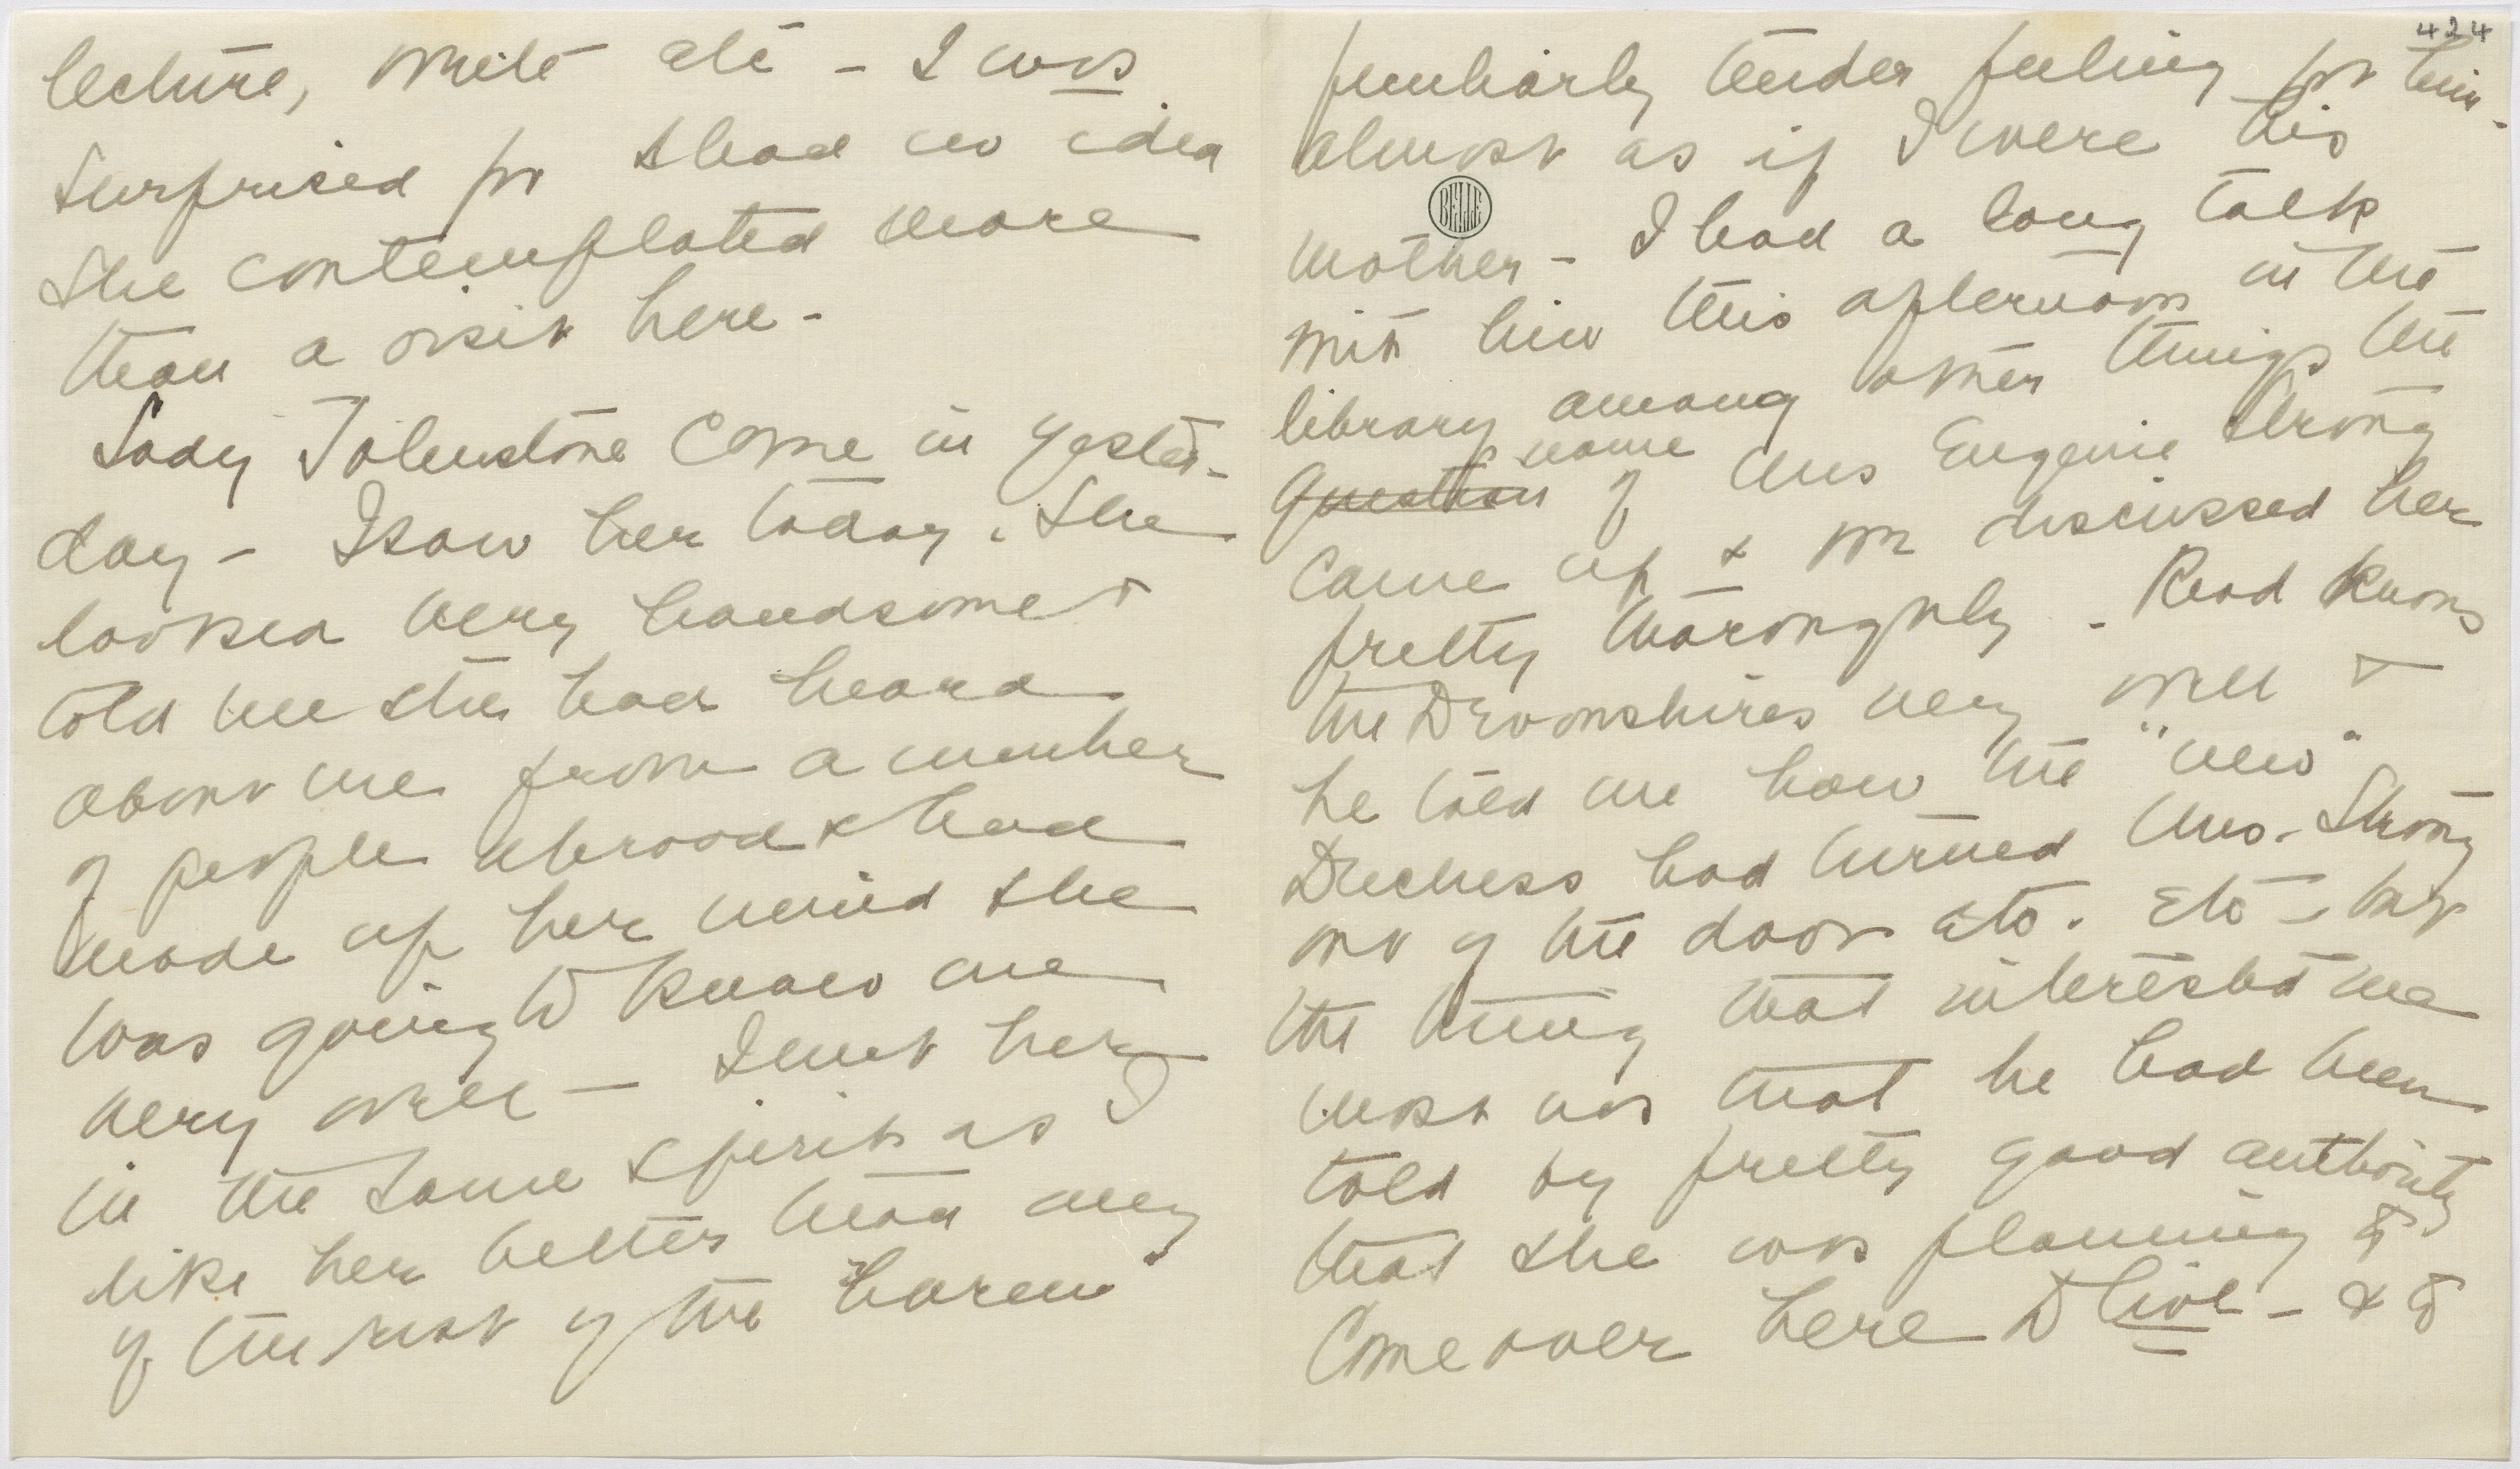peculiarly tender feeling for him – almost as if I were his mother – I had a long talk with him this afternoon in the library among other things the question [^name^] of Mrs Eugenie Strong came up & we discussed her pretty thoroughly – Read knows the Devonshires very well & he told me how the “new” Duchess had turned Mrs. Strong out of the door etc. etc – but the thing that interested me most was that he had been told by pretty good authority that she was planning to come over here to [double underlined: live] – & to
lecture, write etc – I was surprised for I had no idea she contemplated more than a visit here –
Lady Johnstone came in yesterday – I saw her today. She looked very handsome & told me she had heard about me from a number of people abroad & had made up her mind she was going to know me very well – I met her in the same spirit as I like her better than any of the rest of the harem